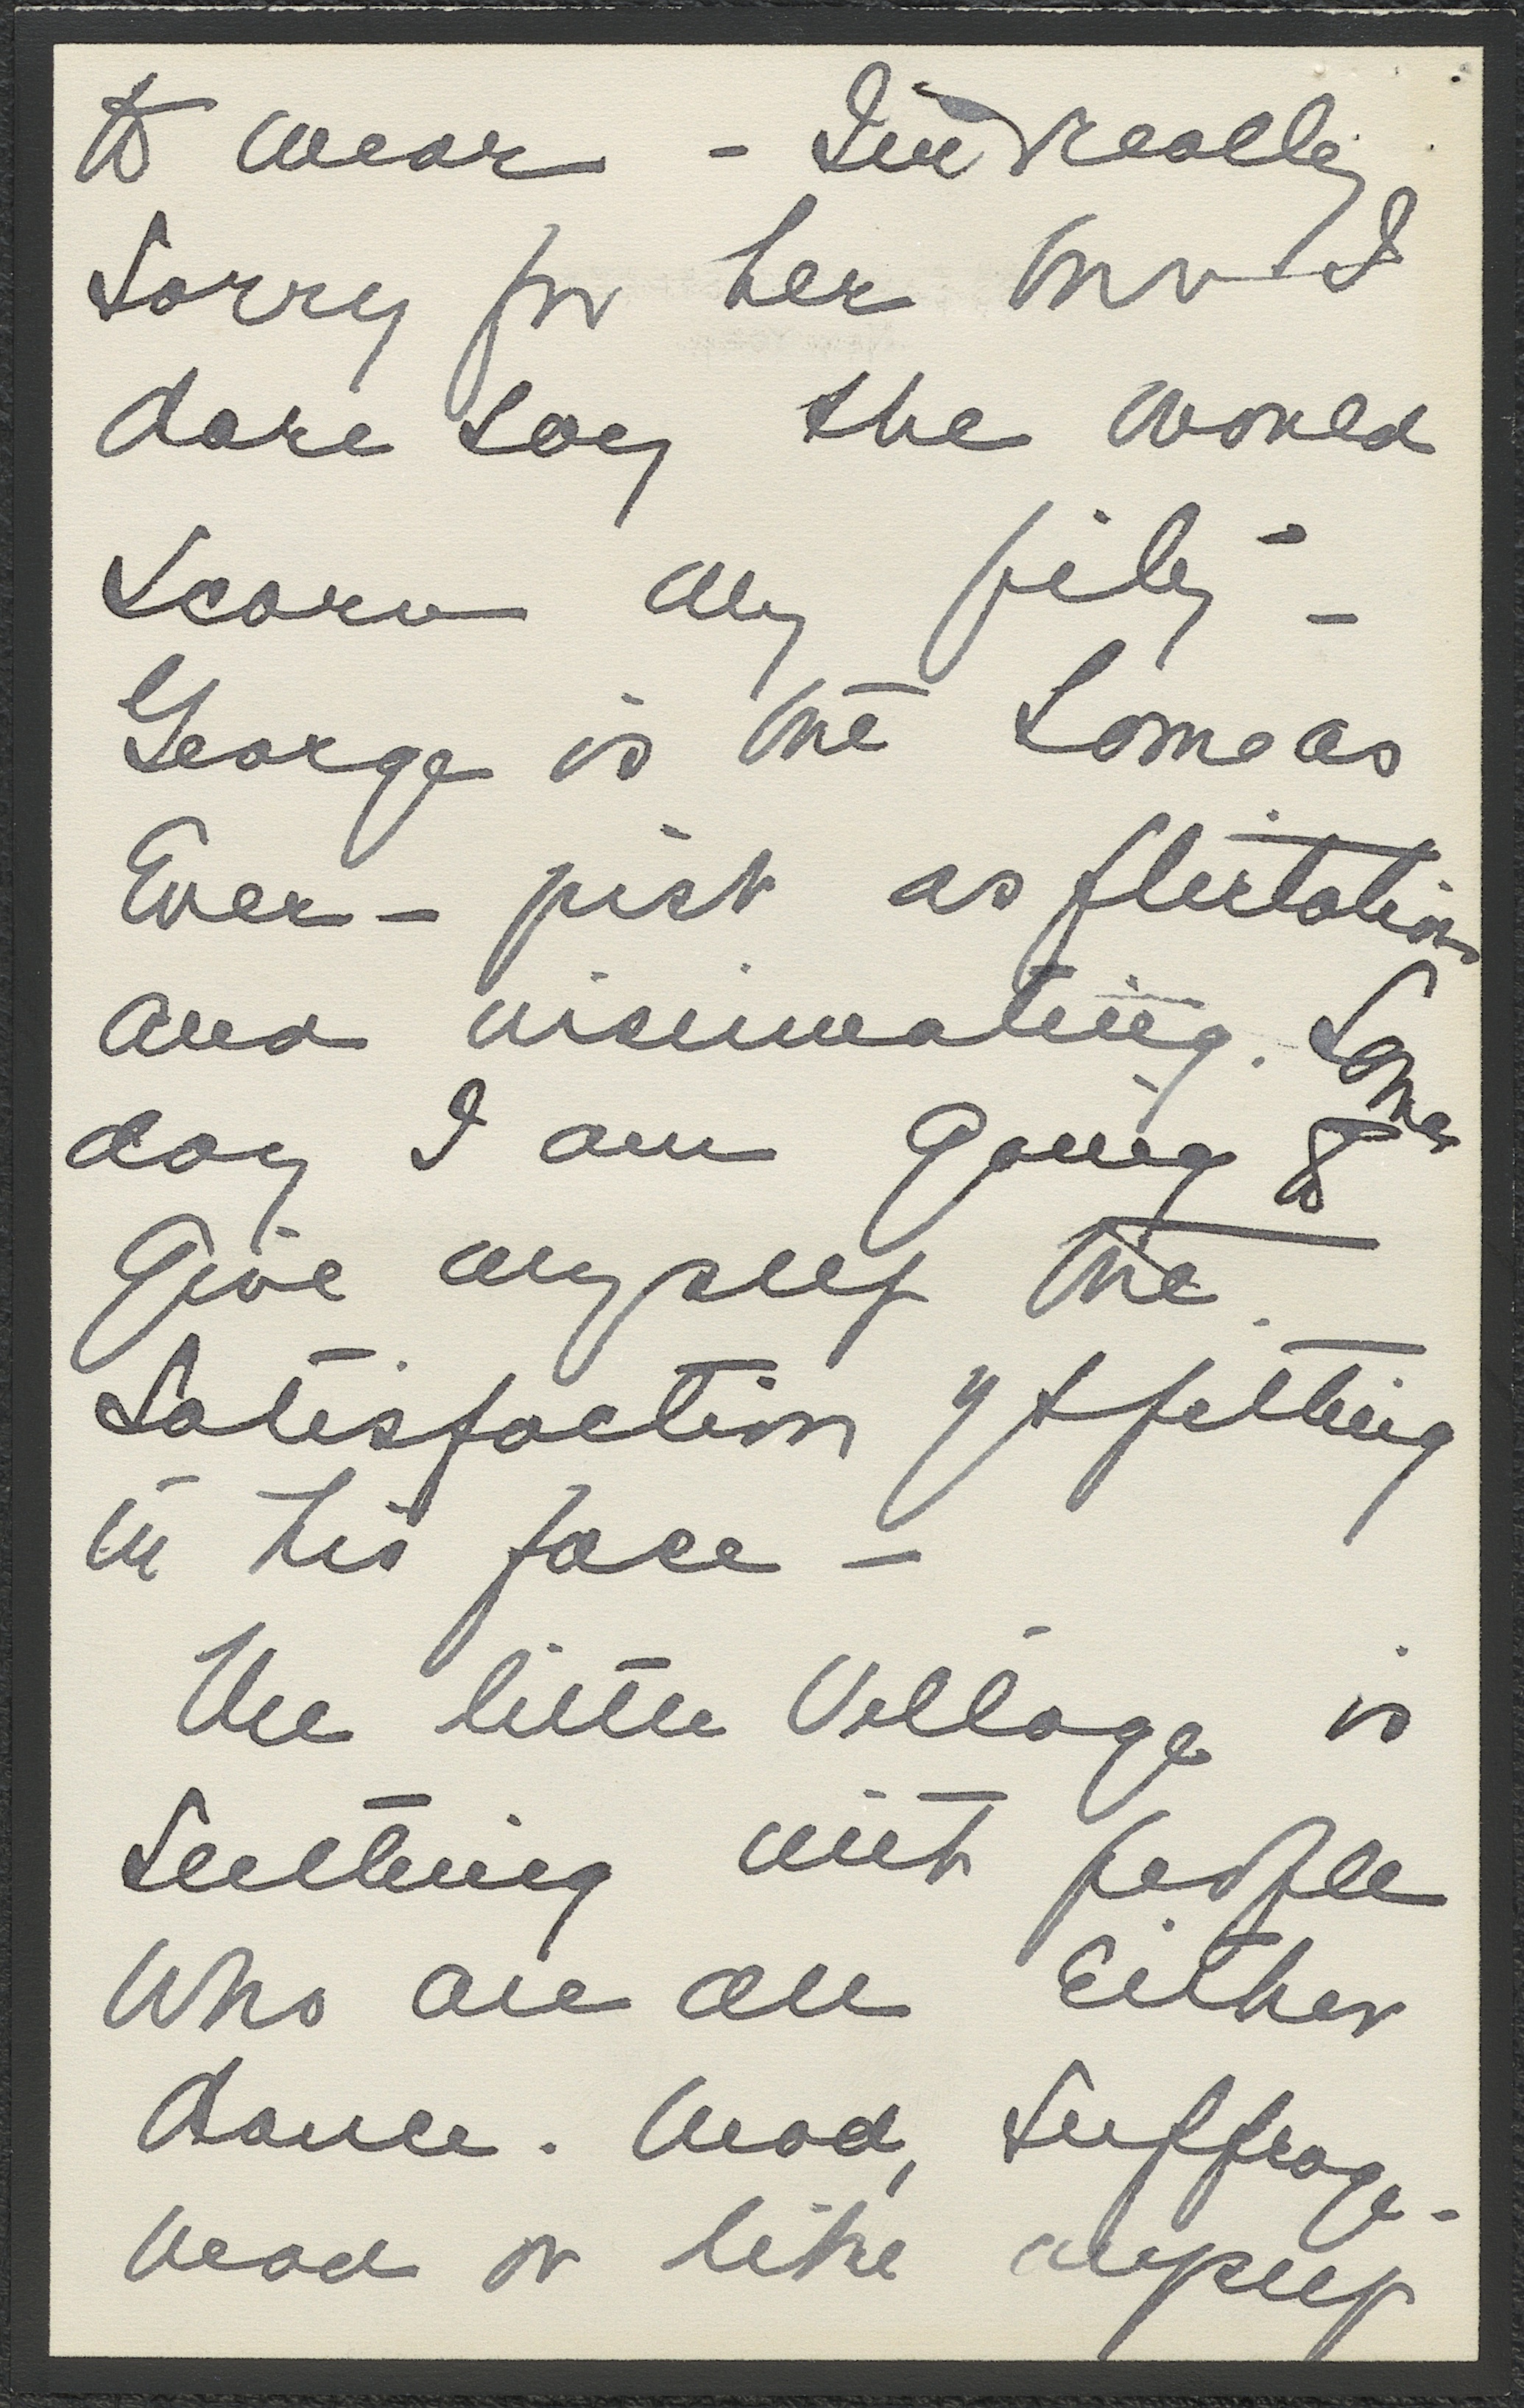to wear – I’m really sorry for her but I dare say she would scorn my pity – George is the same as ever – just as flirtatious and insinuating. Some day I am going to give myself the satisfaction of spitting in his face –
The little village is seething with people who are all either dance-mad, suffrage-mad or like myself